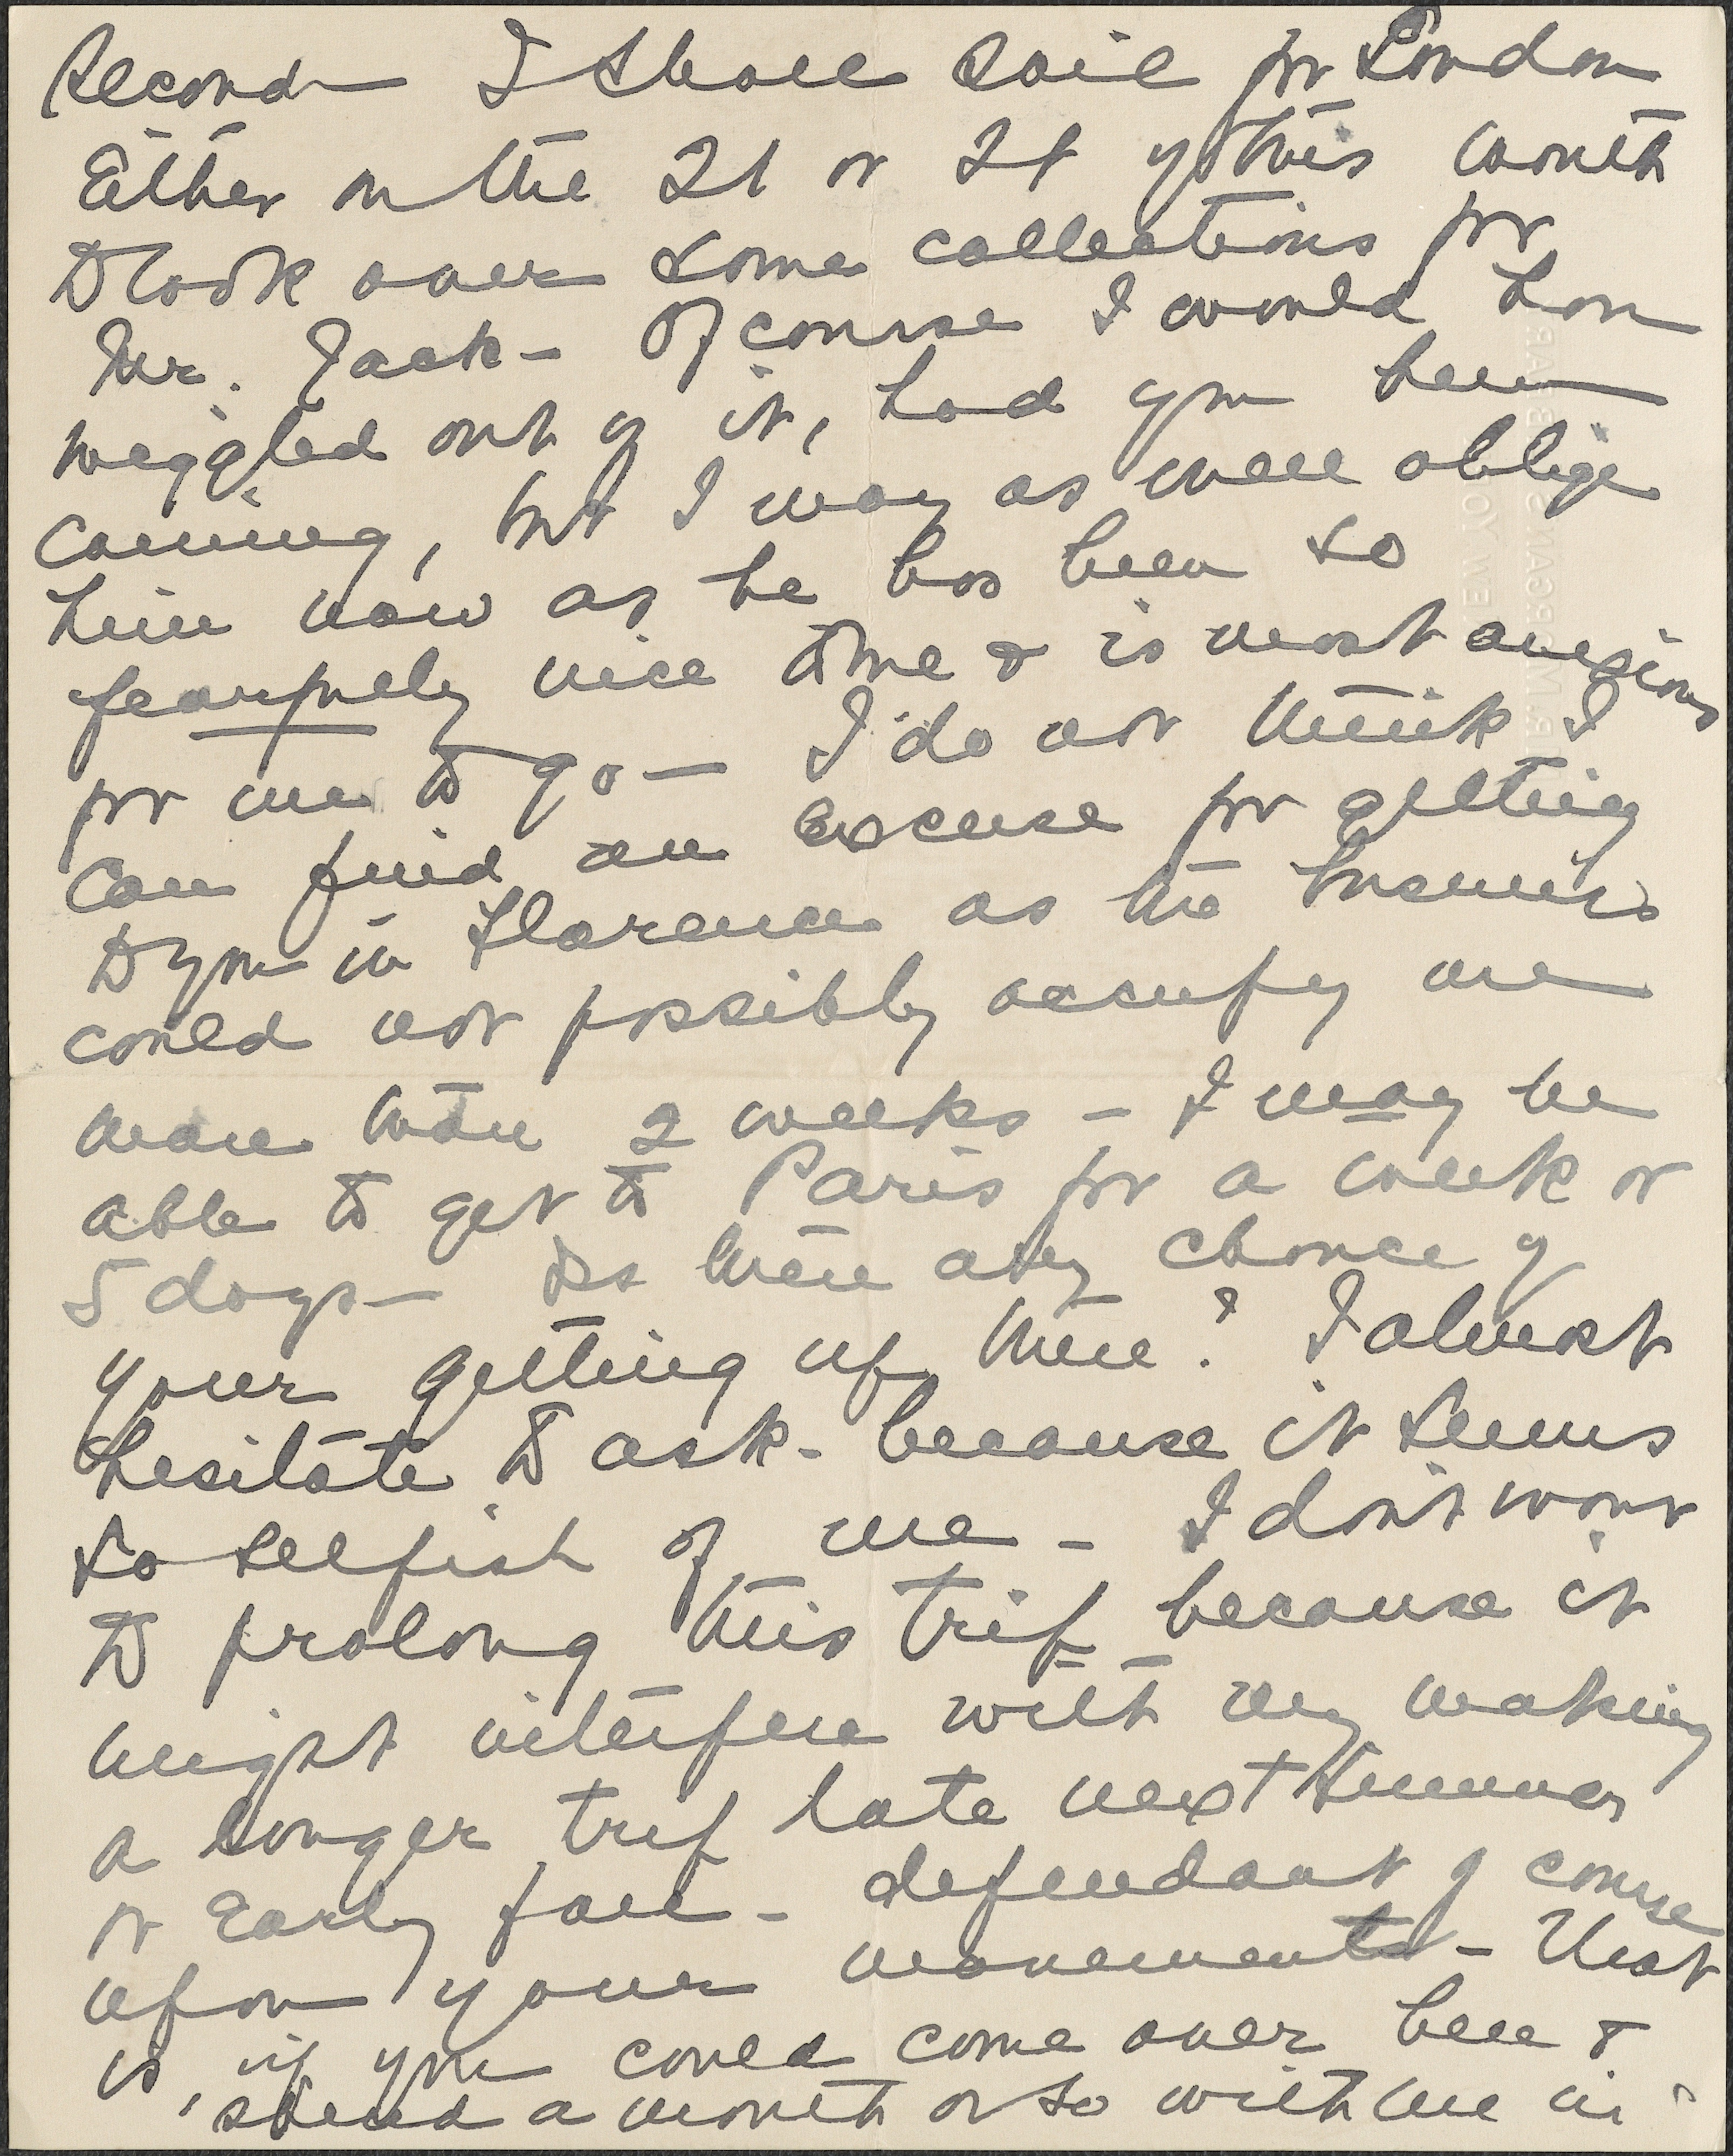second – I shall sail for London either on the 21 or 28 of this month to look over some collections for Mr. Jack – Of course I would have wiggled out of it, had you been coming, but I may as well oblige him now as he has been so fearfully nice to me & is most anxious for me to go – I do not think I can find an excuse for getting to you in Florence as the business could not possibly occupy me more than 2 weeks – I may be able to get to Paris for a week or 5 days – Is there any chance of your getting up there? I almost hesitate to ask – because it seems so selfish of me – I don’t want to prolong this trip because it might interfere with my making a longer trip late next summer or early fall – dependant of course upon your movements – That is, if you could come over here & spend a month or so with me in